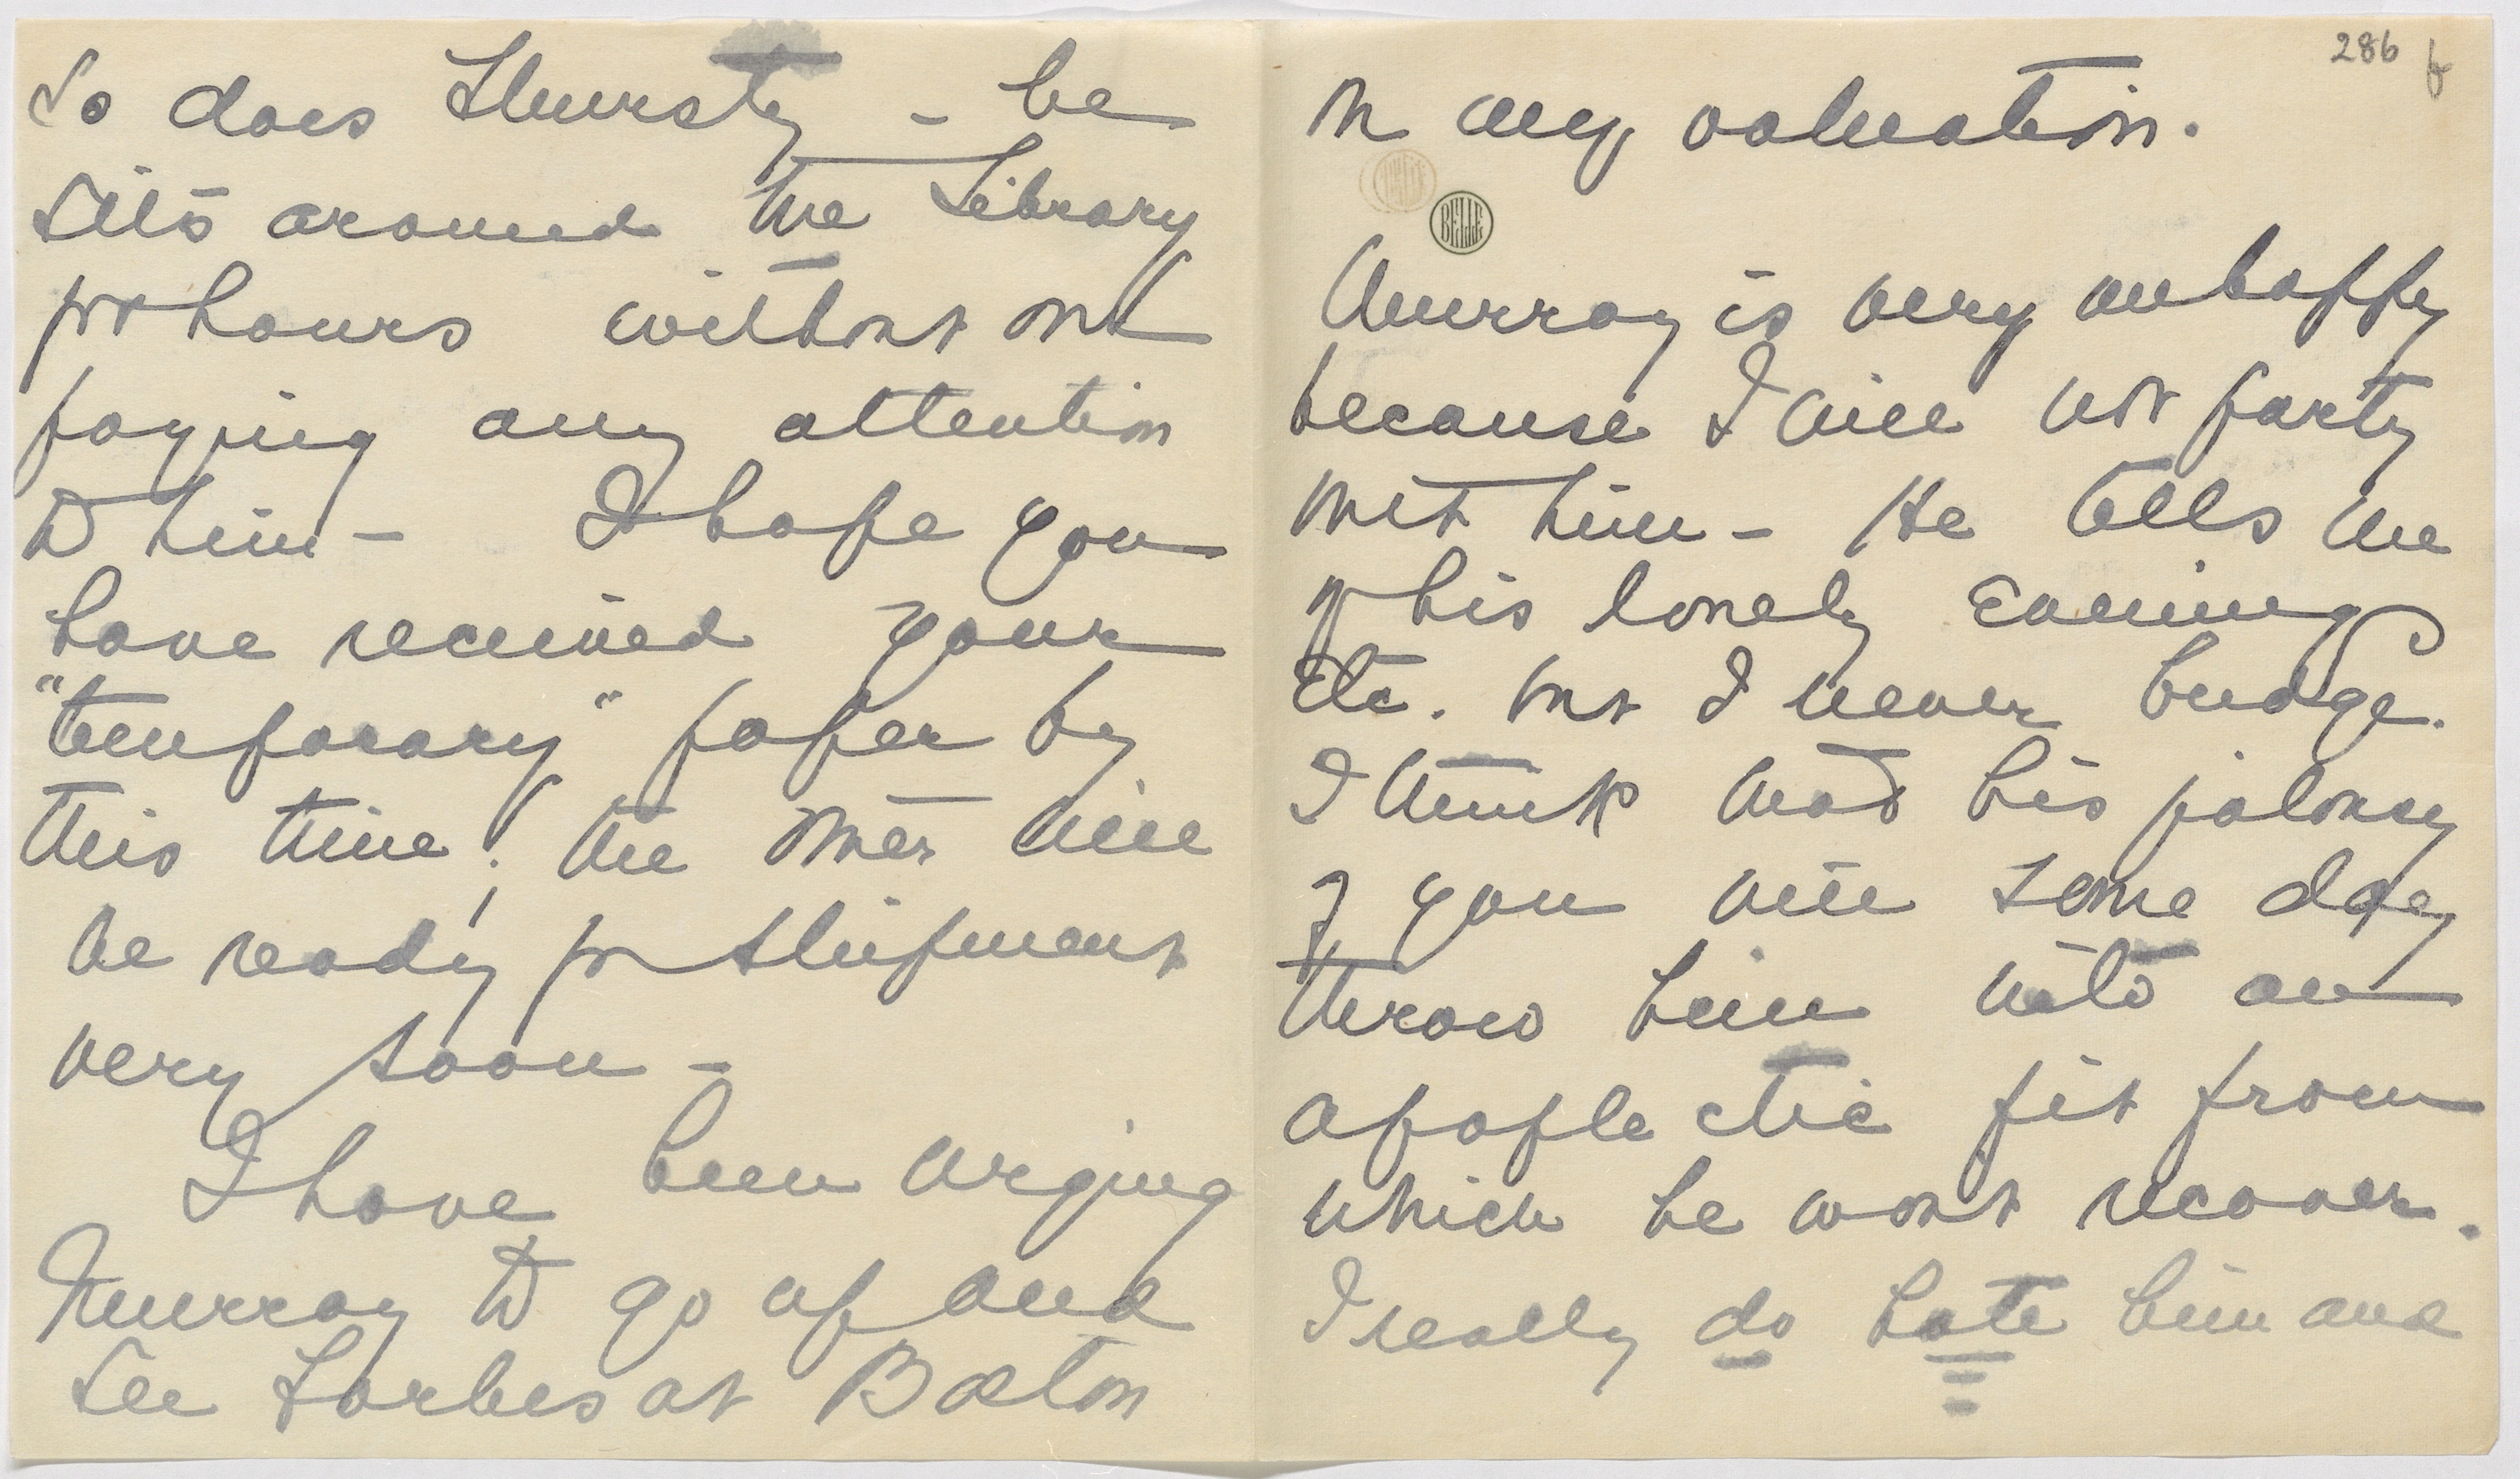on my valuation.
Murray is very unhappy because I will not party with him – He tells me of his lonely evenings etc. but I never budge. I think that his jealousy of you will someday throw him into an apoplectic fit from which he won’t recover. I really do [triple underlined: hate] him and
so does Thursty – he sits around the Library for hours without one paying any attention to him – I hope you have received your “temporary” paper by this time; the other will be ready for shipment very soon –
I have been urging Murray to go up and see Forbes at Boston